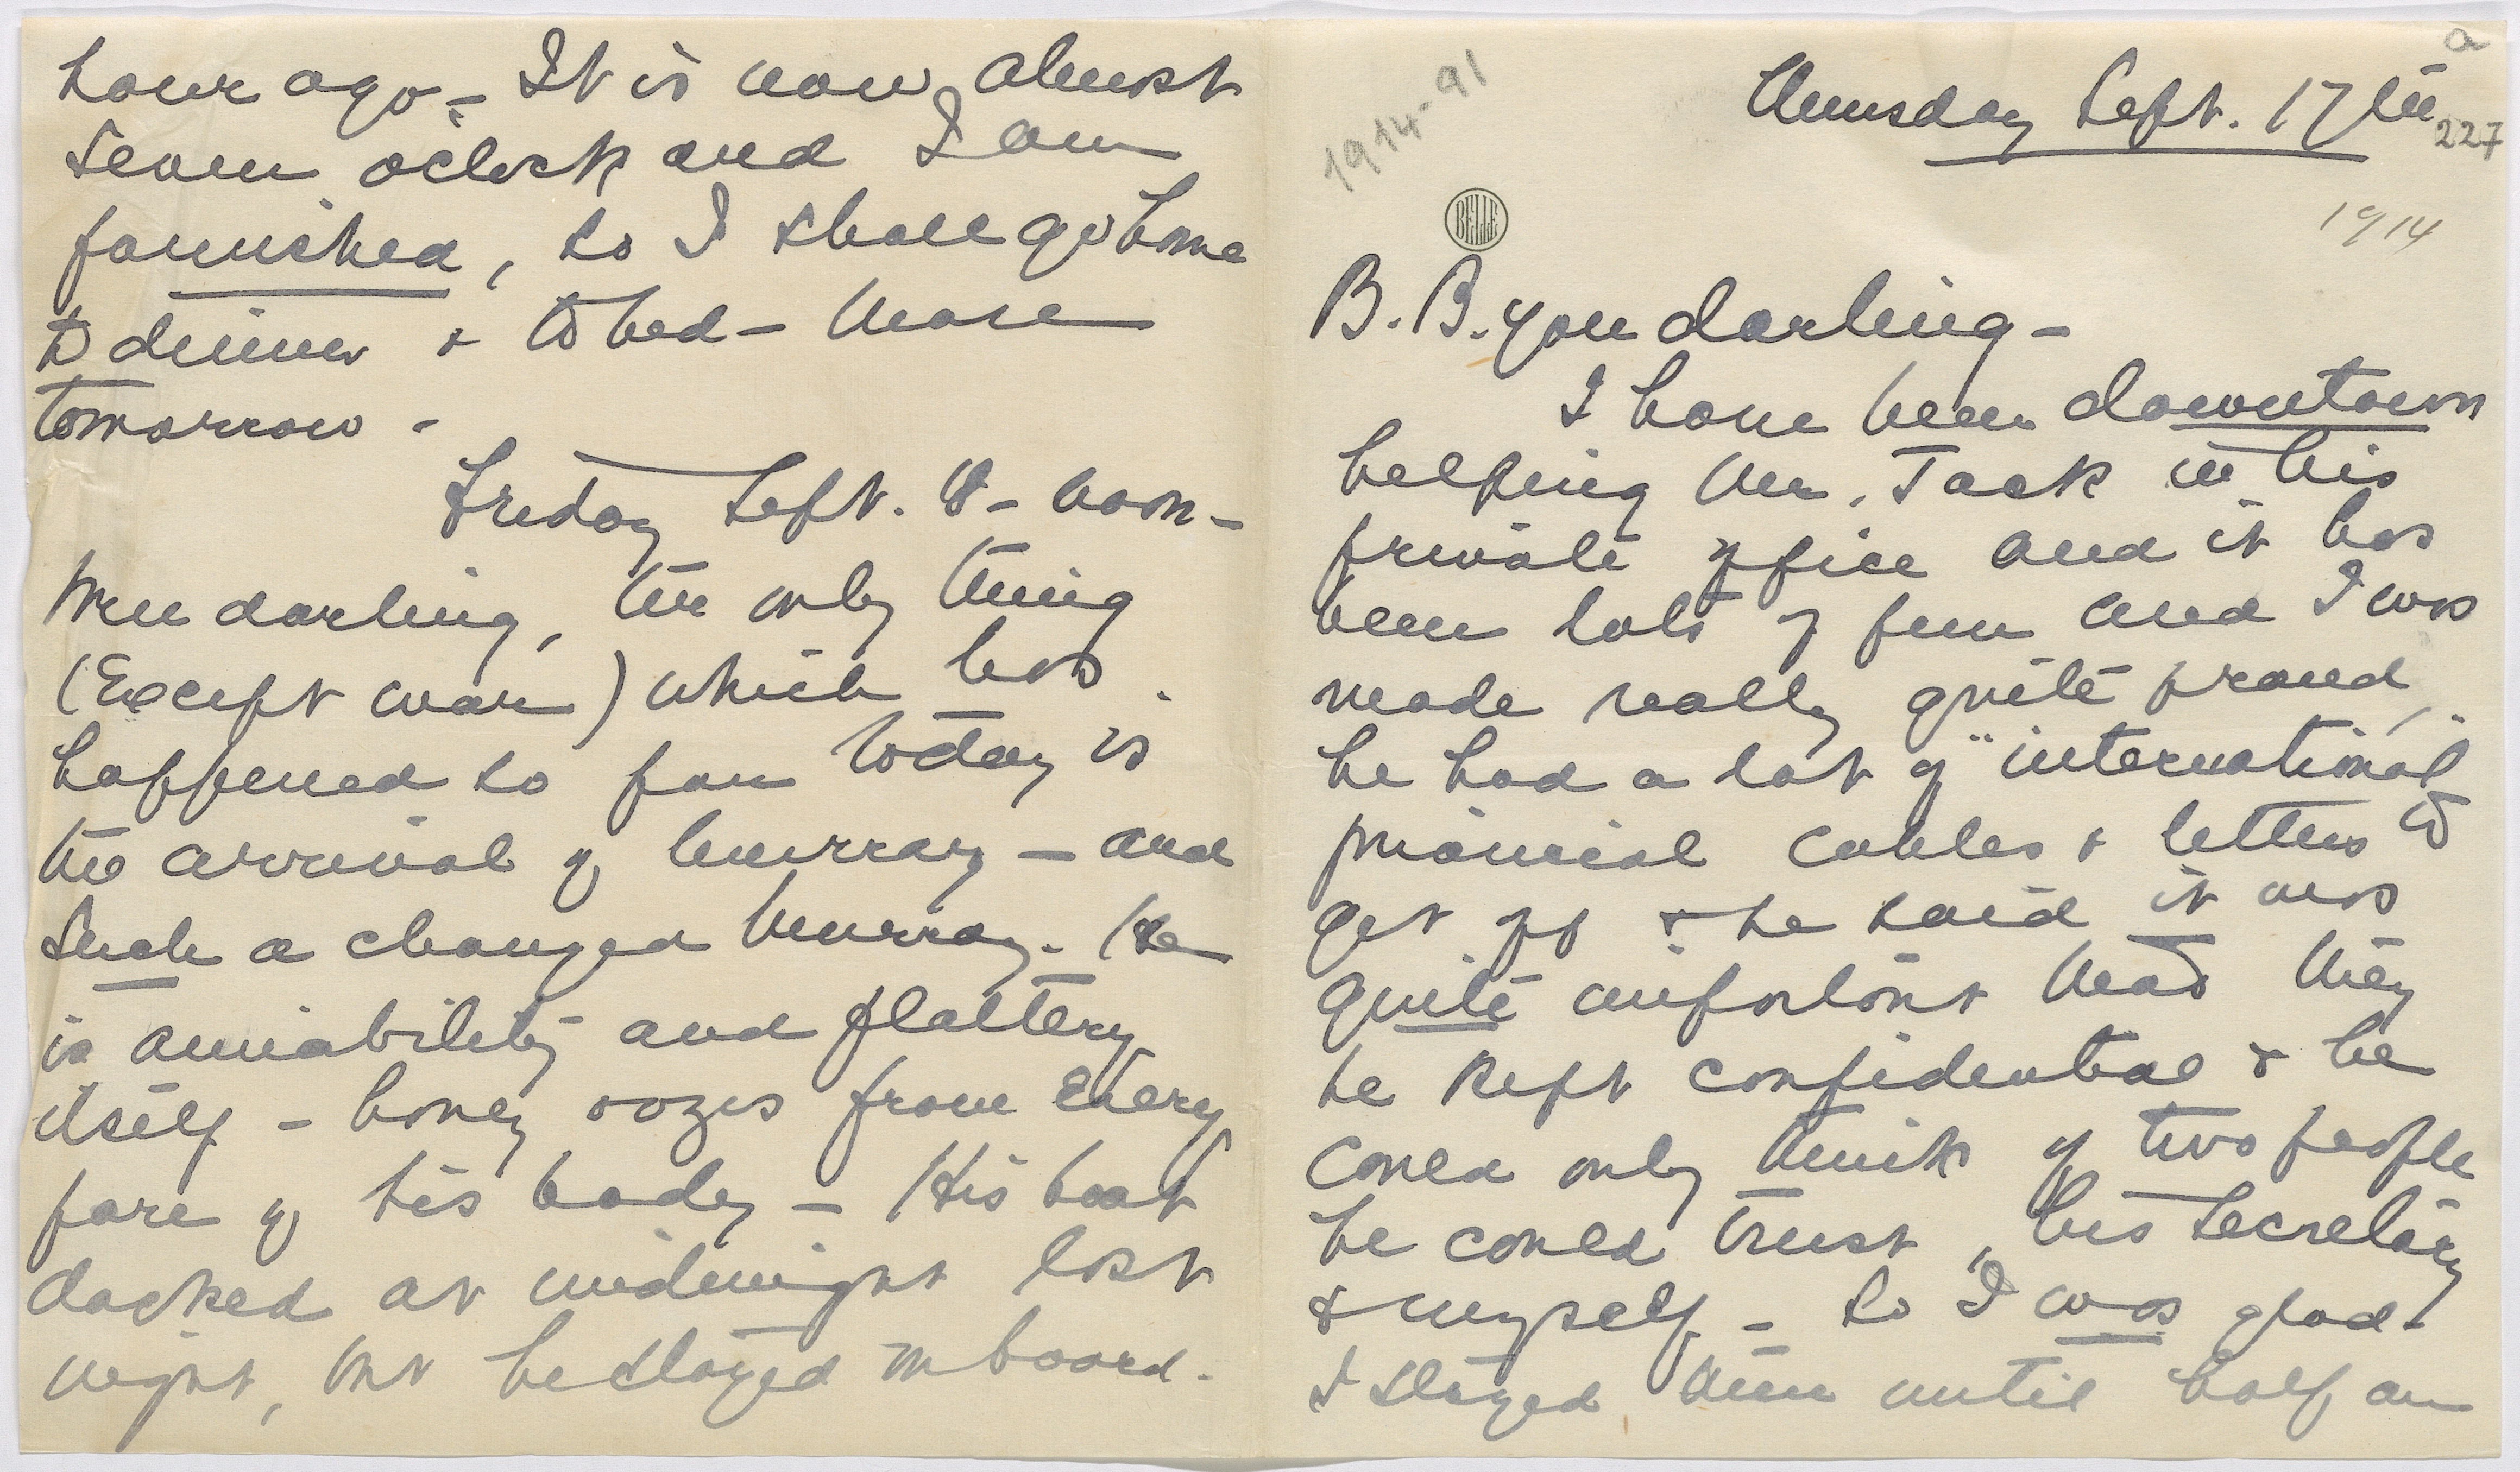Thursday, September 17th
B.B. you darling –
I have been downtown helping Mr. Jack in his private office and it has been lots of fun and I was made really quite proud he had a lot of “international” provincial cables & letters to get off & he said it was quite important that they be kept confidential & he could only think of two people he could trust, his secretary & myself – So I was glad – I stayed there until half an
hour ago – It is now almost seven oclock and I am famished, so I shall go home to dinner & to bed – more tomorrow.
Friday Sept. 18th – noon –
Well darling, the only thing (except war) which has happened so far today is the arrival of Murray – and such a changed Murray – He is amiability and flattery itself – honey oozes from every pore of his body – His boat docked at midnight last night, but he stayed on board –